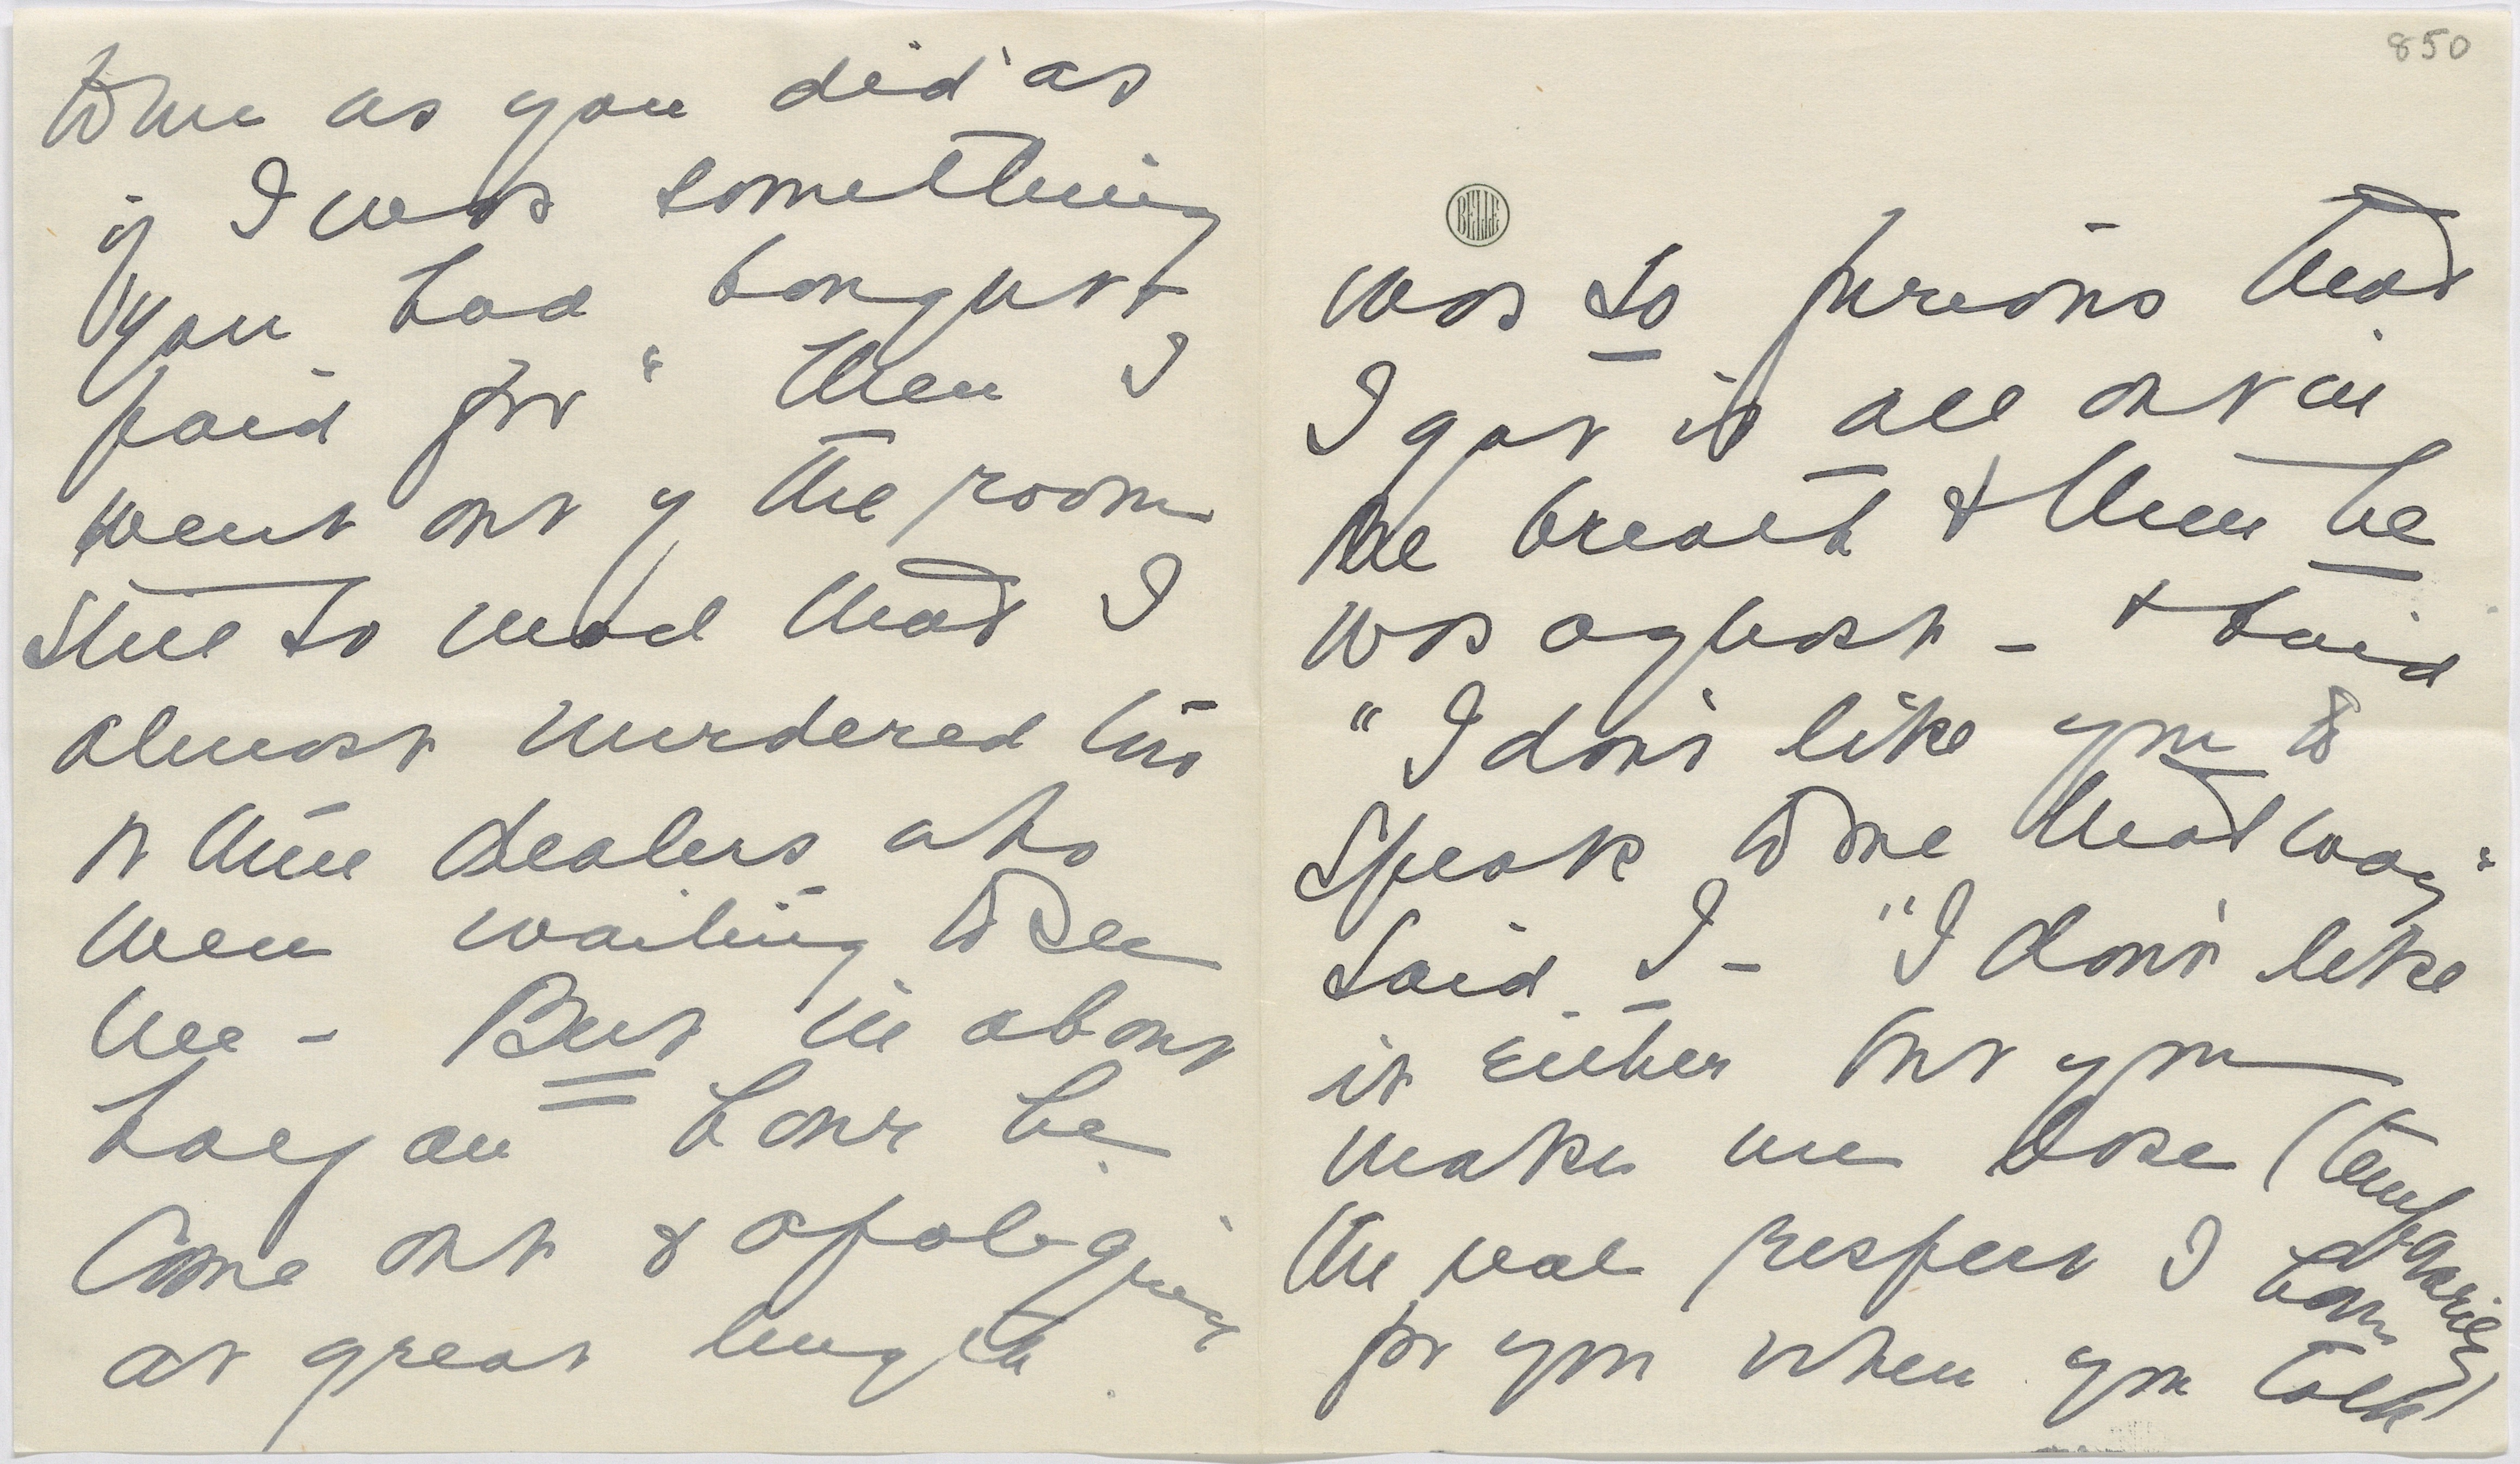was so furious that I got it all out in one breath & then he was aghast – & said
“I don’t like you to speak to me that way” said I – “I don’t like it either but you make me lose (temporarily) the real respect I have for you when you talk
to me as you did as if I was something you had bought & paid for” Then I went out of the room still so mad that I almost murdered two or three dealers who were waiting to see me – [double underlined: But] in about half an hour he came out & apologized at great length.